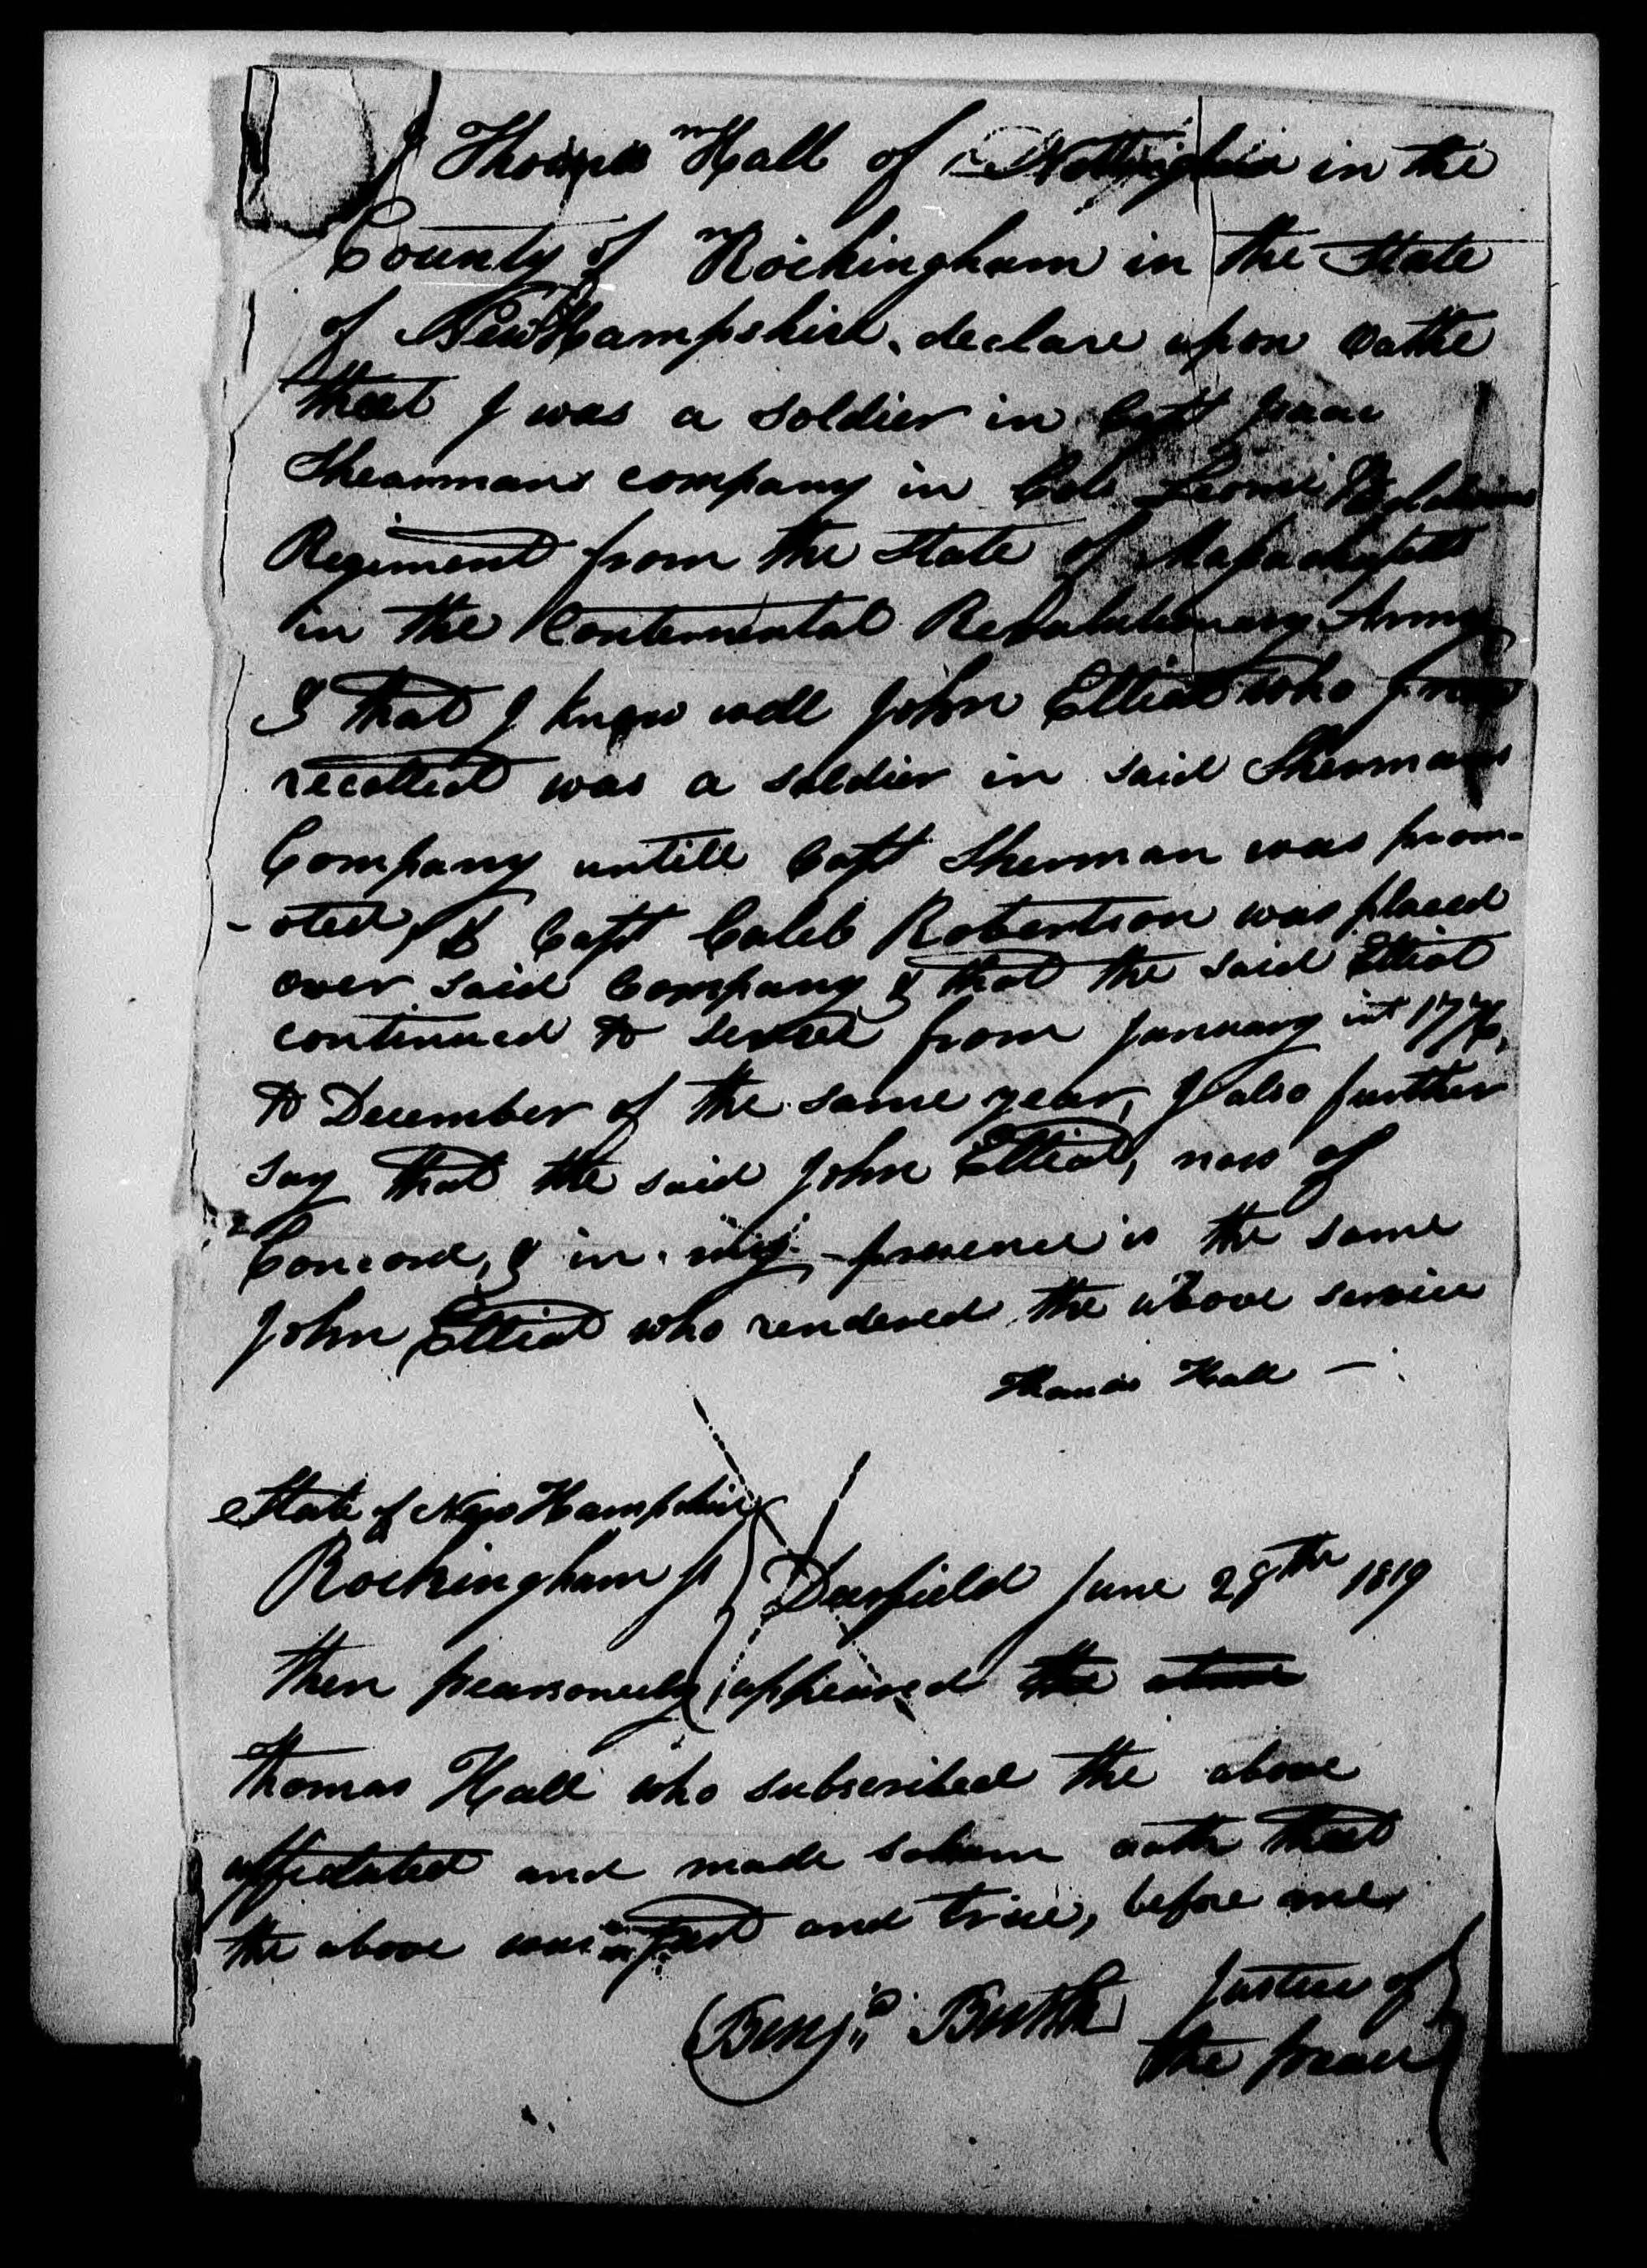Thomas Hall of Nottingham in the
County of Rockingham in the State of
New Hampshire declare upon oathe
that I was a soldier in Capt Isaac Shearmans company in Col Lionel Baldwins Regiment from the State of Massachusetts in the Continental Revolutionary Army & that I know well John Elliot who I now recollect was a soldier in said Shermans Company untill Capt Sherman was promoted & Capt Caleb Robertson was placed over said company & that the said Elliot continued to serve from January int 1776, to December of the same year, I also further say that the said John Elliot, now of Concord & in my presence is the same John Elliot who rendered the above service
Thomas Hall

State of N Hampshire
Rockingham Deerfield June 28th 1819
then personally appeared Thomas Hall who subscribed the above affidated and made solemn oath that the above was [illegible] and true, before me
Benj Butler
Justice of the Peace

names: Thomas Hall, John Elliot, Cabb Robertson, Thomas Hall, Elliot, Sherman, John Elliot, John Elliot, Benja Butler, Thomas Hall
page: 7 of 57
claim: widow's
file: W. 16,114, John Elliot, Continental (Mass) N.H.